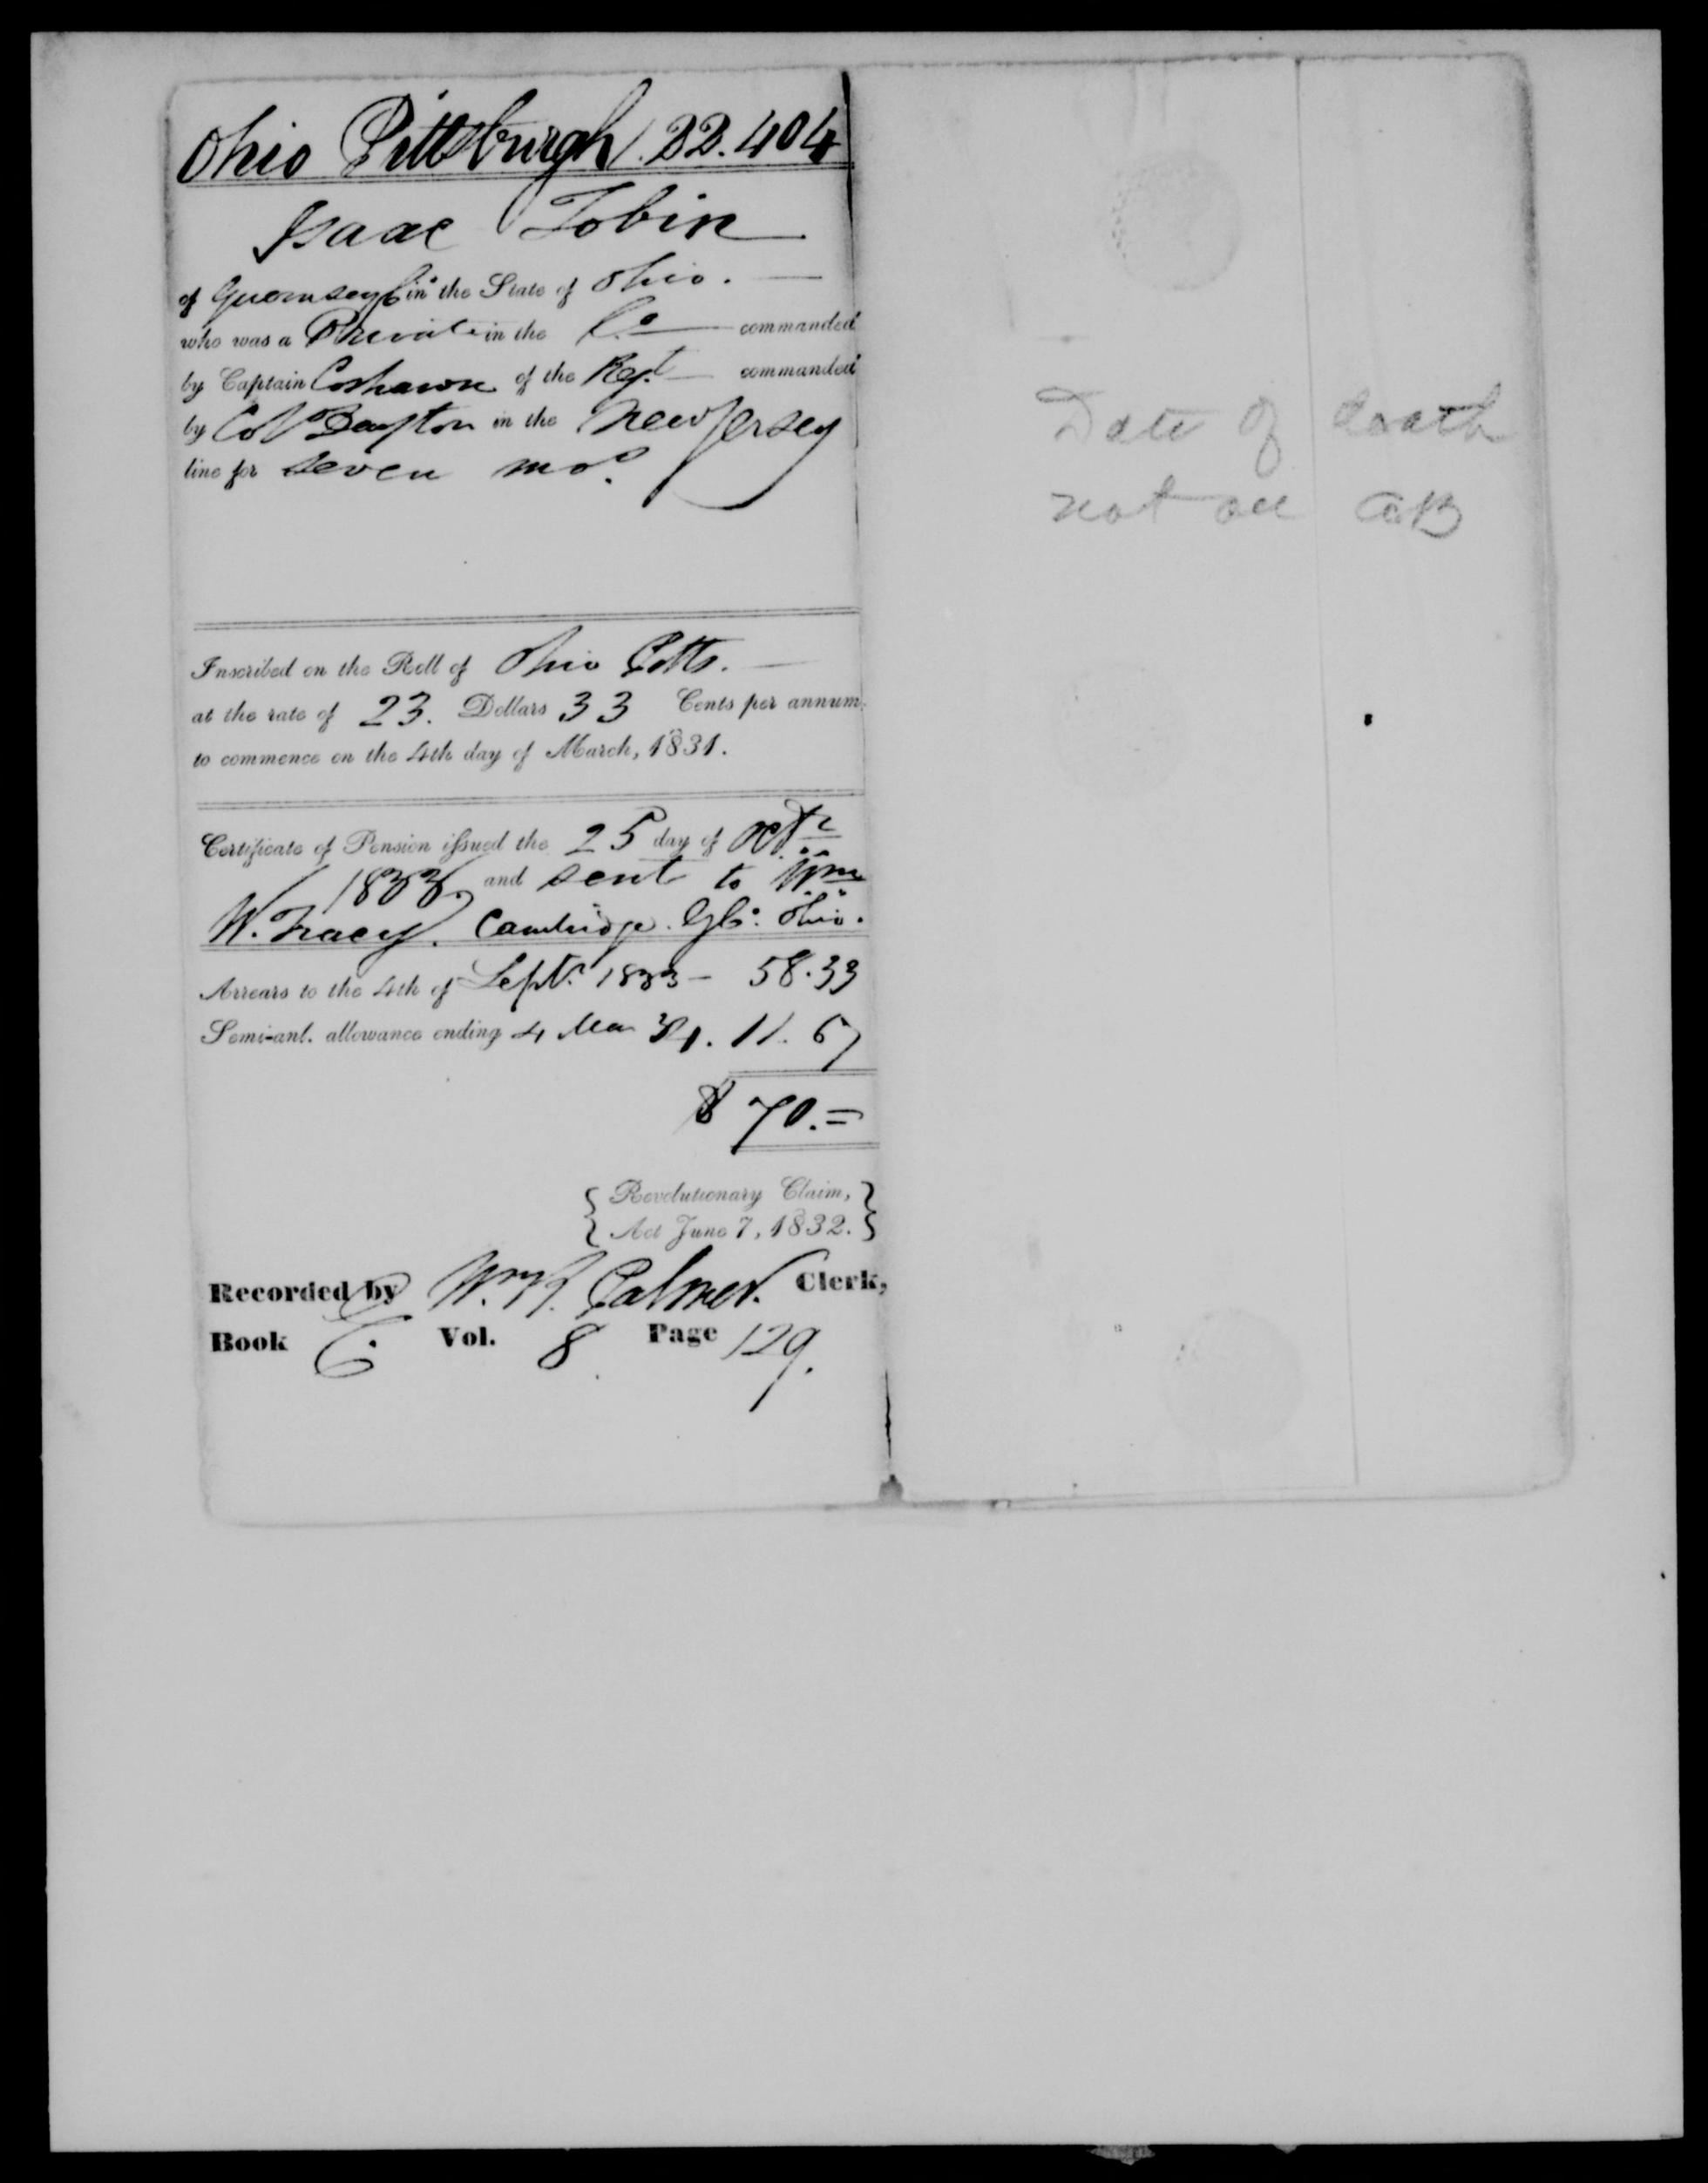Ohio Pittsburgh 22.404
Isaac Tobin
of Guernsey in the State of Ohio who was a Private in the Co commanded by Captain Cosharon of hte Rgt commanded by Col Bayton in the New Jersey line for seven mo.
Inscribed on the Roll of Ohio Potts at the rate of 23 Dollars 33 Cents per annum to commence on the 4th of March, 1834.
Certificate of Pension issued the 25 day of Oct 1833 and sent to [illegible] W. Tracey. Cambridge G. Ohio
Arrears to the 4th of Sept. 1833 - 58.33
Semi-anl. allowance ending 4 Mar 31 11.67
$70.-
Revolutionary Claim, Act June 7, 1832
Recorded by [illegible] Clerk, Book [illegible] Vol. 8 Page 129

Date of death not on [illegible]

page: 2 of 25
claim: survivor's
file: S. 6258, for Isaac Tobin, New Jersey